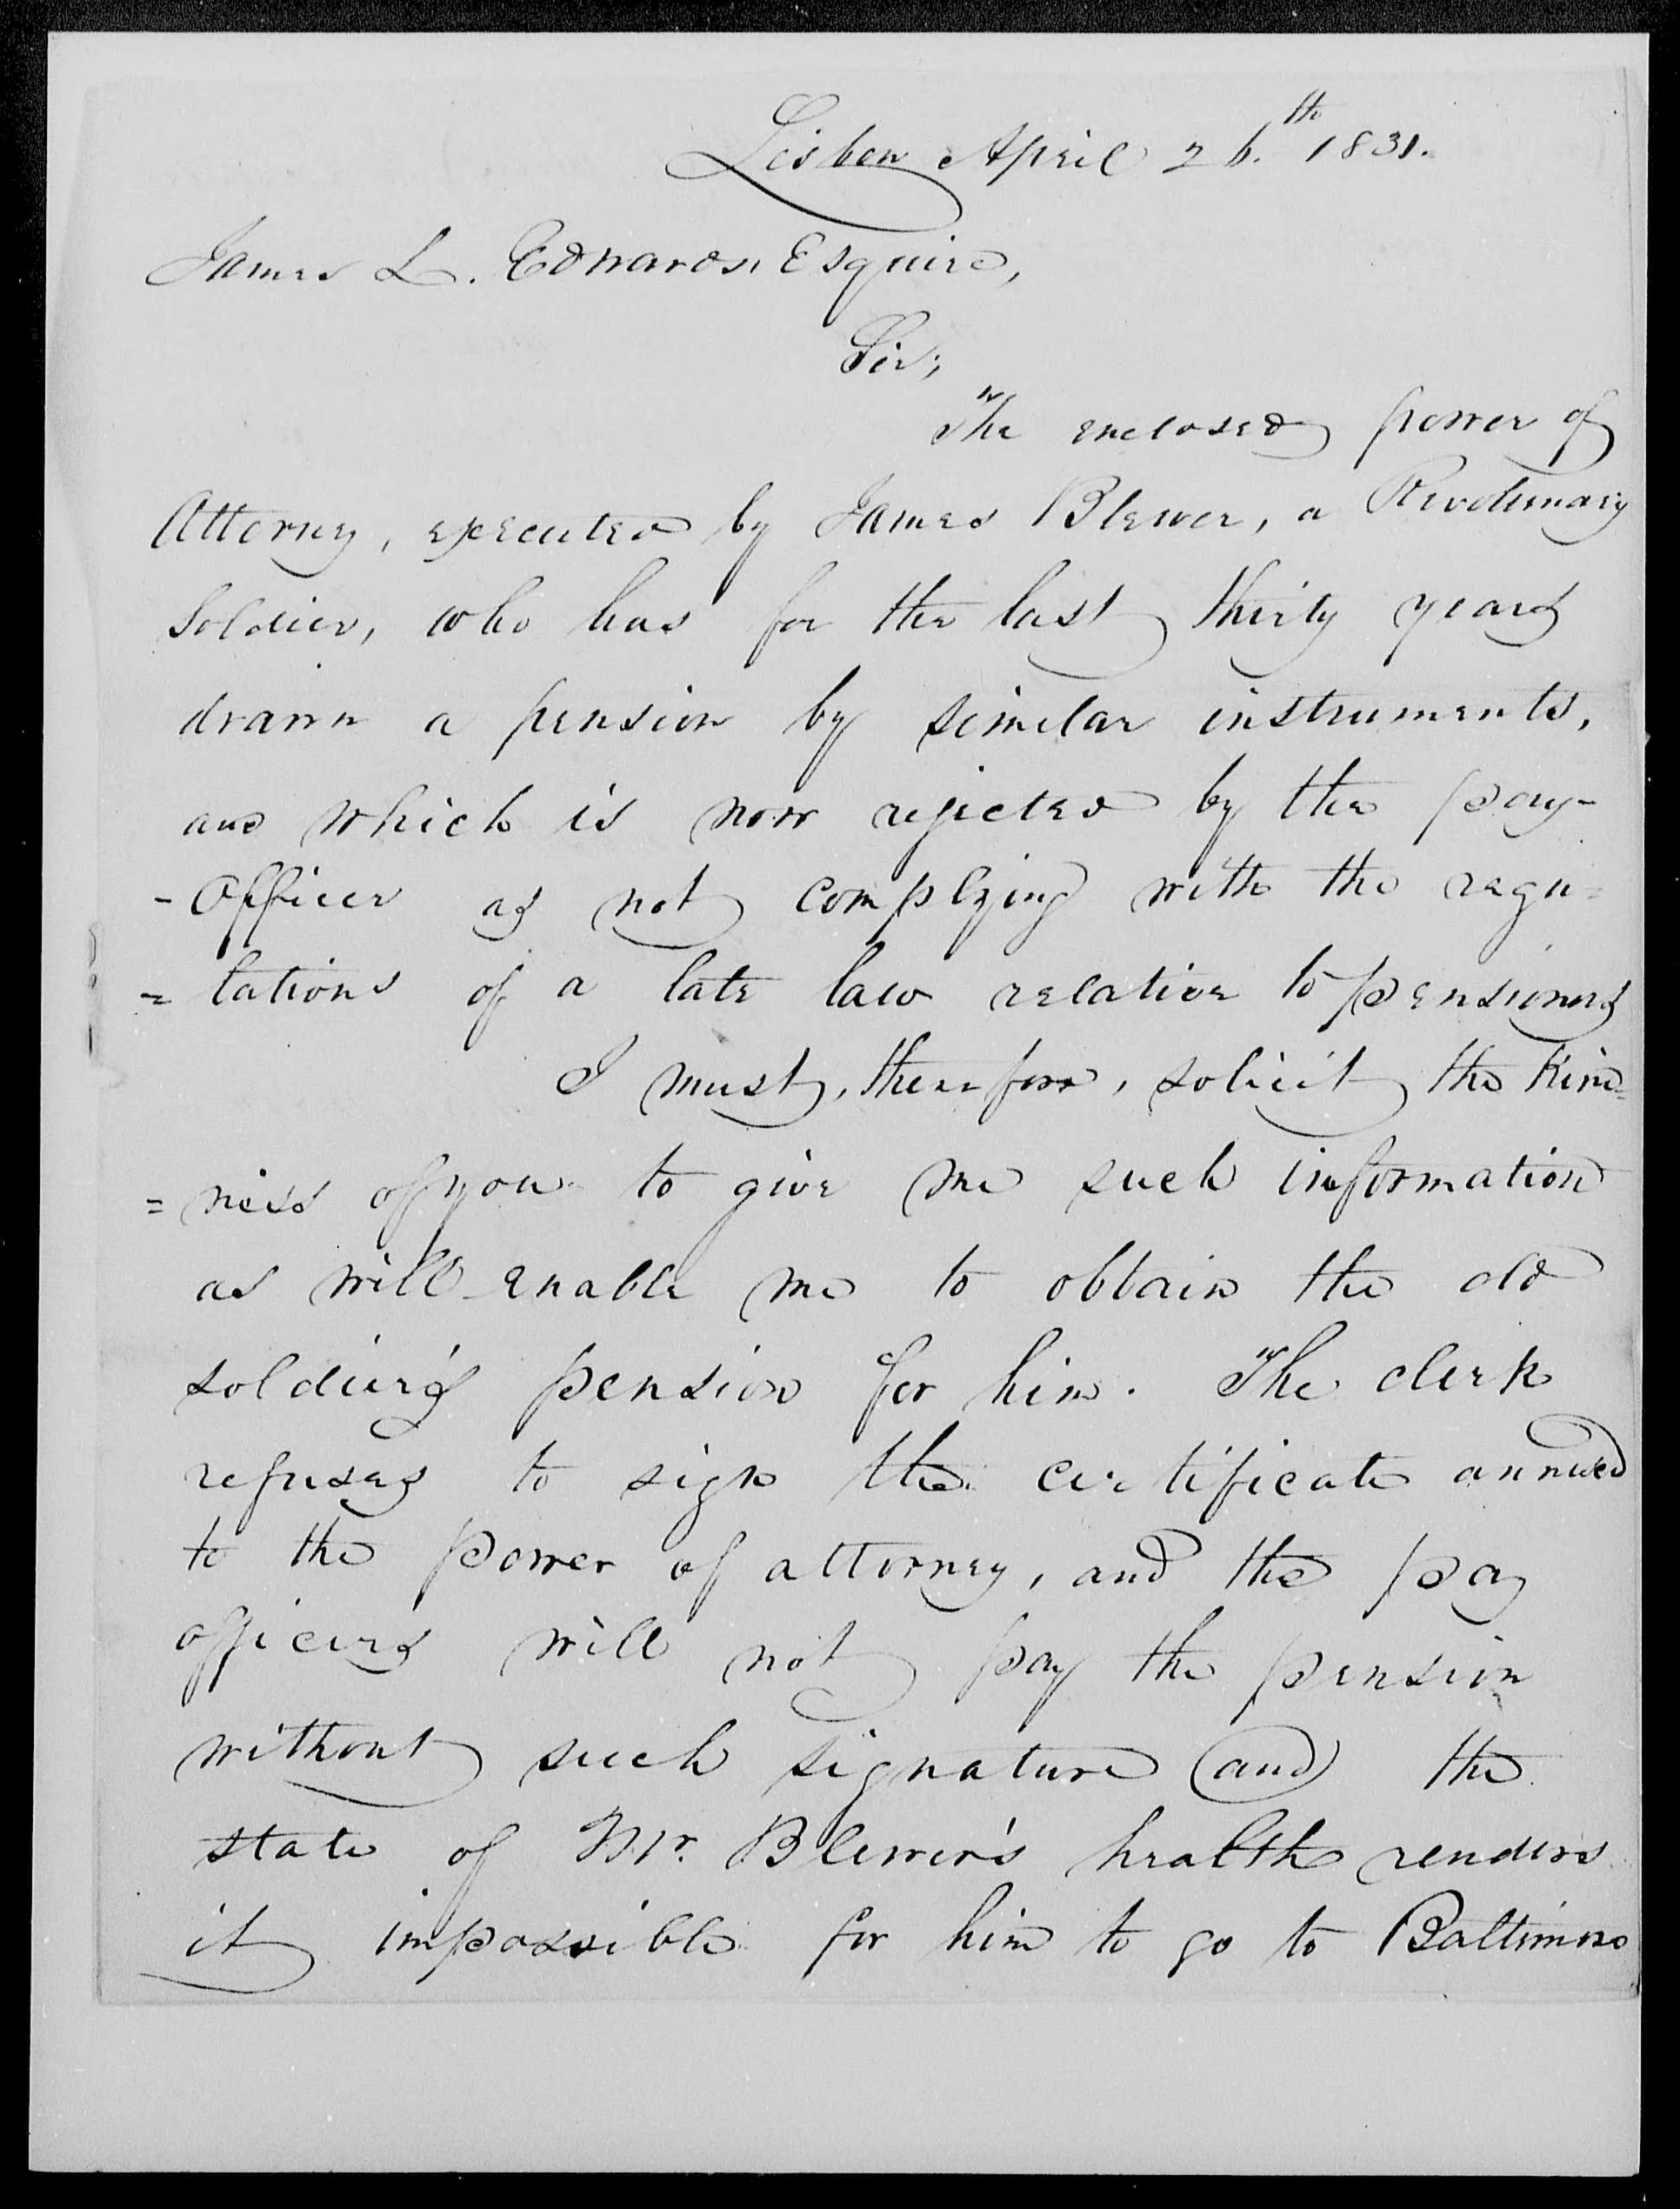Lisbon April 26th 1831
James L. Edwards Esquire
Sir,
The enclosed power of attorney, executed by James Blewer, a Revolutionary Soldier, who has for the last thirty years drawn a pension by similar instruments and which is now rejected by the Pay Officer as not complying with the regulations of the late law relating to pensions.
I must therefore solicit the kindness of you to give me such information as will enable me to obtain his old soldiers pension for him. The clerk refuses to sign the certificate [?] to the power of attorney, and the pay officer will not pay the pension without such signature and the state of Mr. Blewer's health renders it impossible for him to go to Baltimore.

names: James Blewer, Blewer, James L Edwards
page: 11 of 30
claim: survivor's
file: S. 10093, James Blewer, Md.